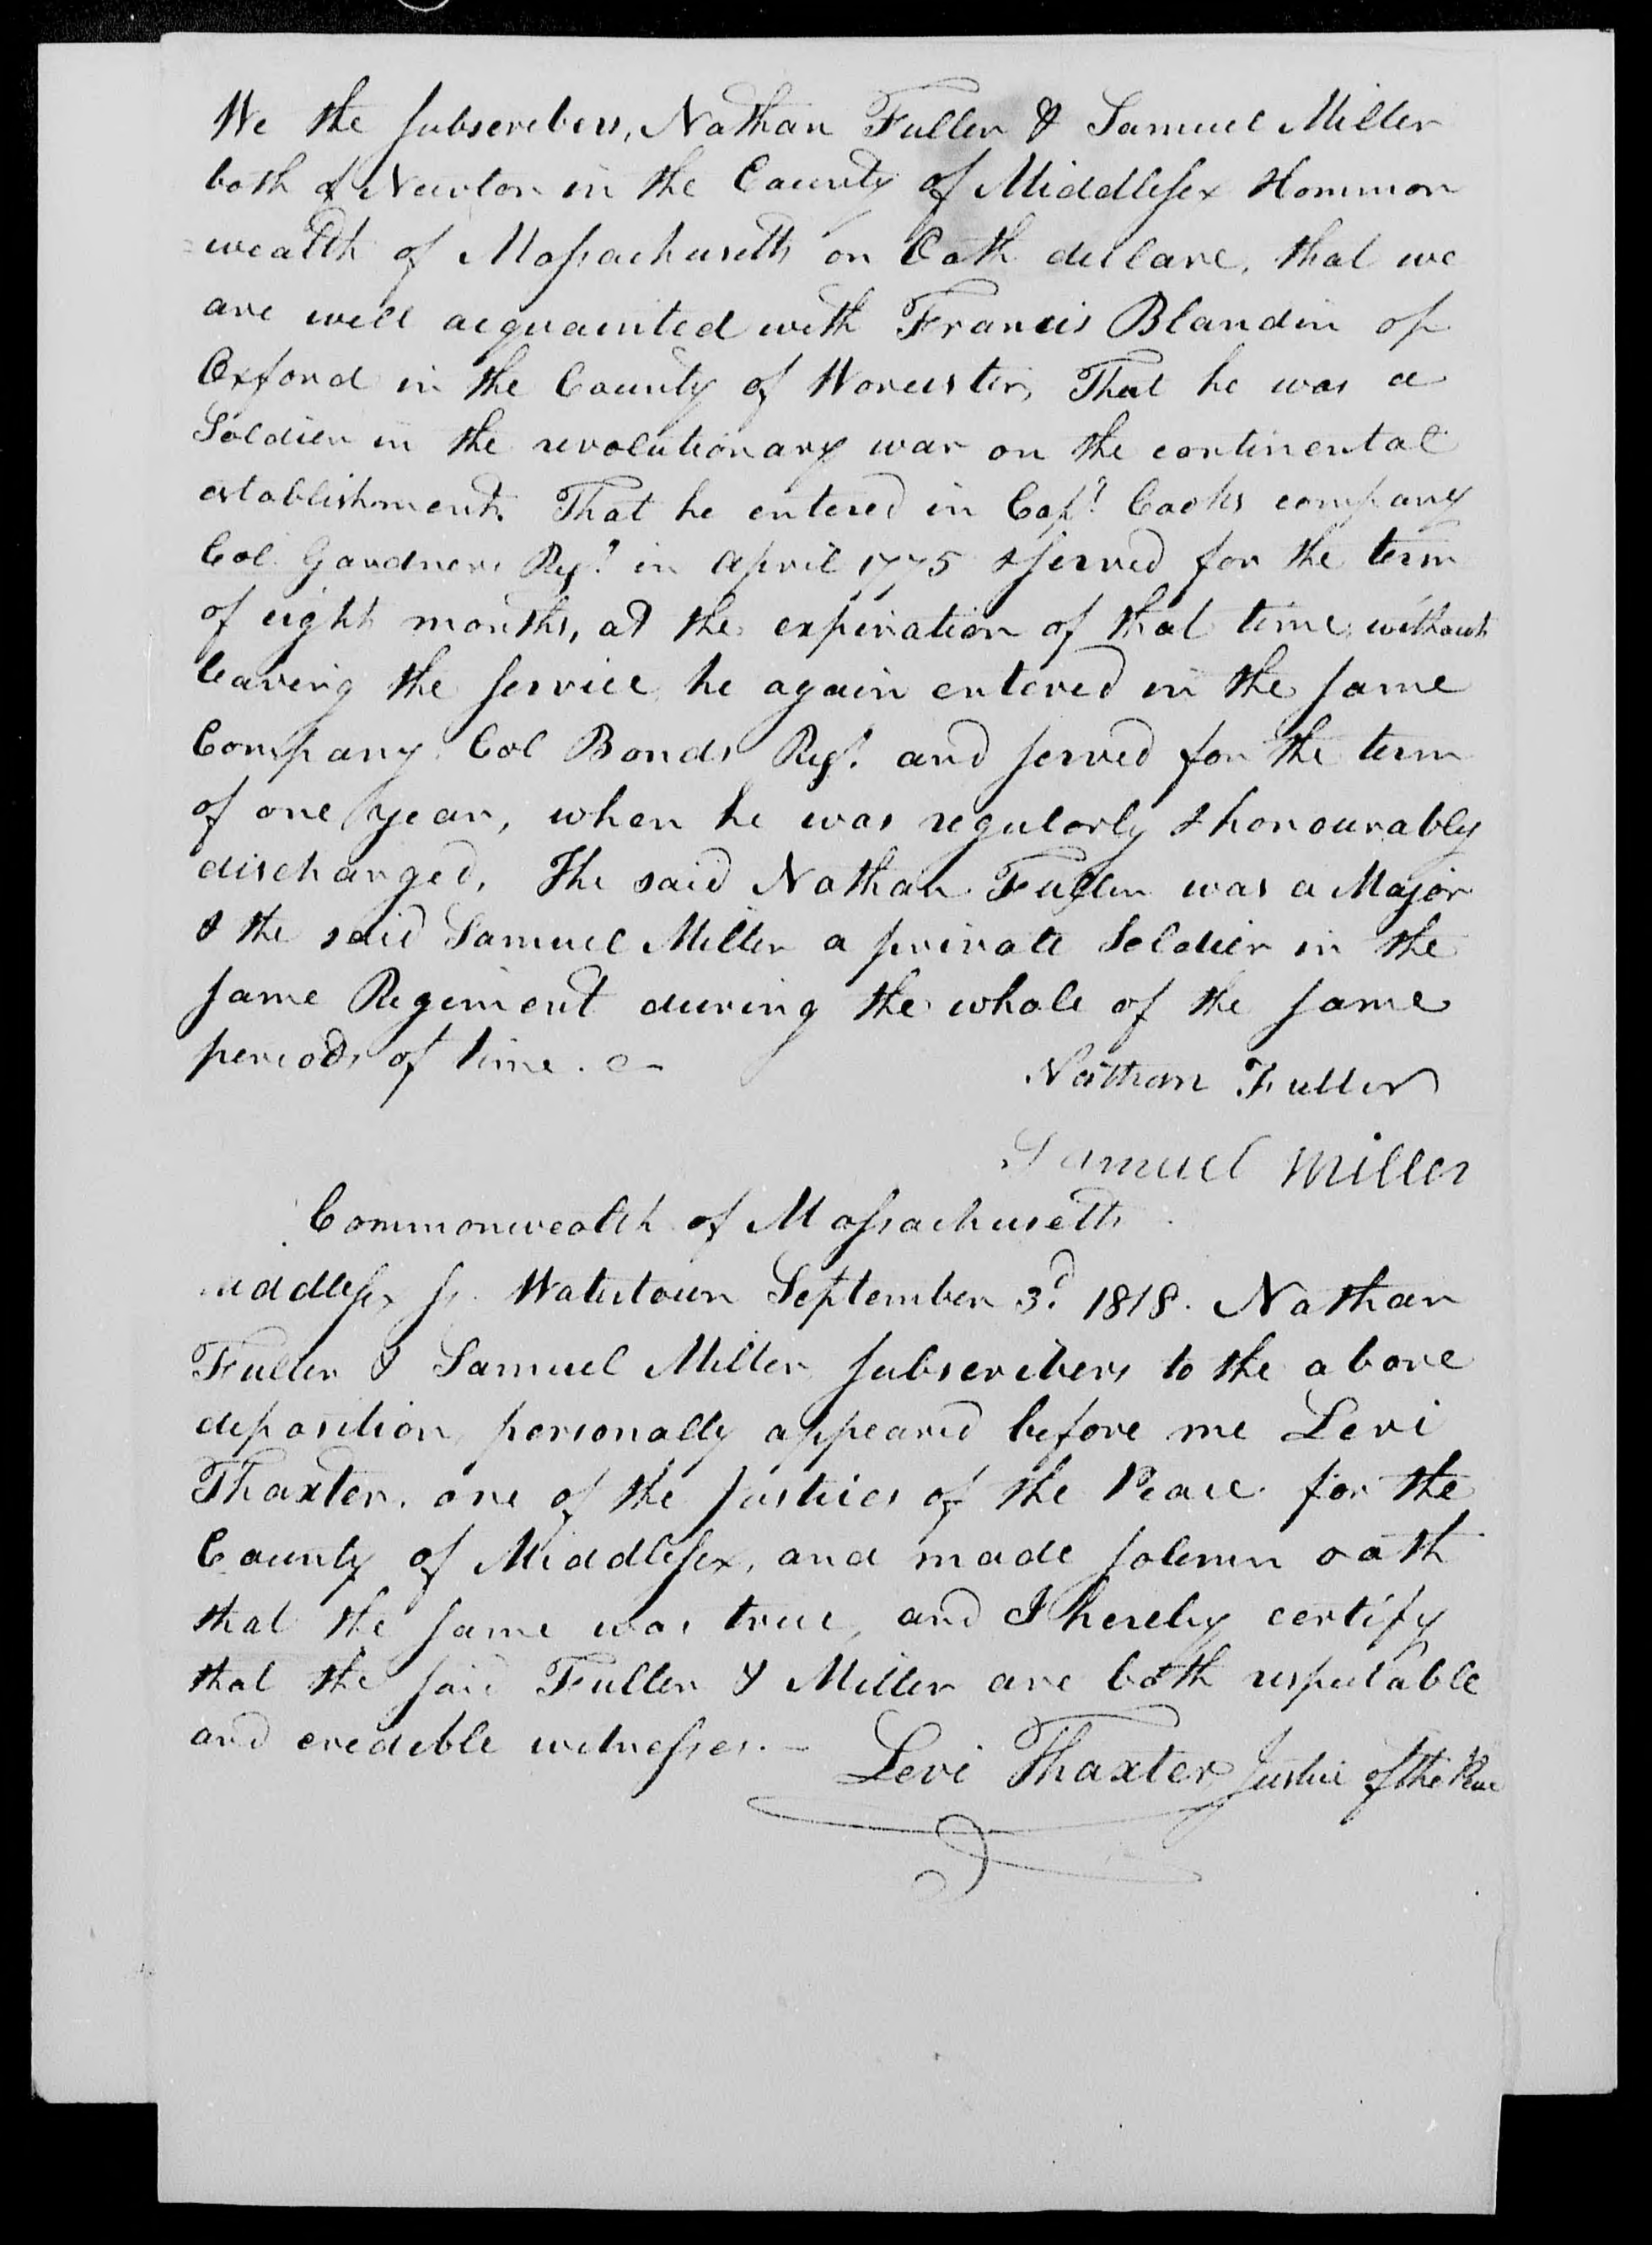We the Subscribers, Nathan Fuller & Samuel Miller both of Newton in the County of Middlesex Commonwealth of Massachusetts on oath declare, that we are well acquainted with Francis Blandin of
Oxford in the County of Worcester. That he was a Soldier in the revolutionary war on the continental
establishment. That he entered in Capt Cooks company Col. Gardner Reg in April 1775 & served for the term of eight months, at the expiration of that time, without leaving the service he again entered in the same Company Col Bonds Regt and served for the term of one year, when he was regularly & honourably discharged. The said Nathan Fuller was a Major and the said Samuel Miller a private Soldier in the same Regiment during the whole of the same period of time.

Nathan Fuller
Samuel Miller

Commonwealth of Massachusetts
Middlesex - Watertown

September 3d 1818. Nathan Fuller & Samuel Miller subscribed to the above deposition personally appeared before me Levi Thaxter one of the Justices of the Peace for the County of Middlesex, and  made solemn oath that the same was true, and I hereby certify that the said Fuller & Miller are both respectable and credible witnesses.

Levi Thaxter Justice of the Peace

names: Samuel Miller, Fuller, Miller, Nathan Fuller, Nathan Fuller, Nathan Fuller, Nathan Fuller, Levi Thaxter, Samuel Miller, Samuel Miller, Francis Blandin, Samuel Miller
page: 10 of 14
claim: survivor's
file: S. 34,049, Francis Blandin, Mass.